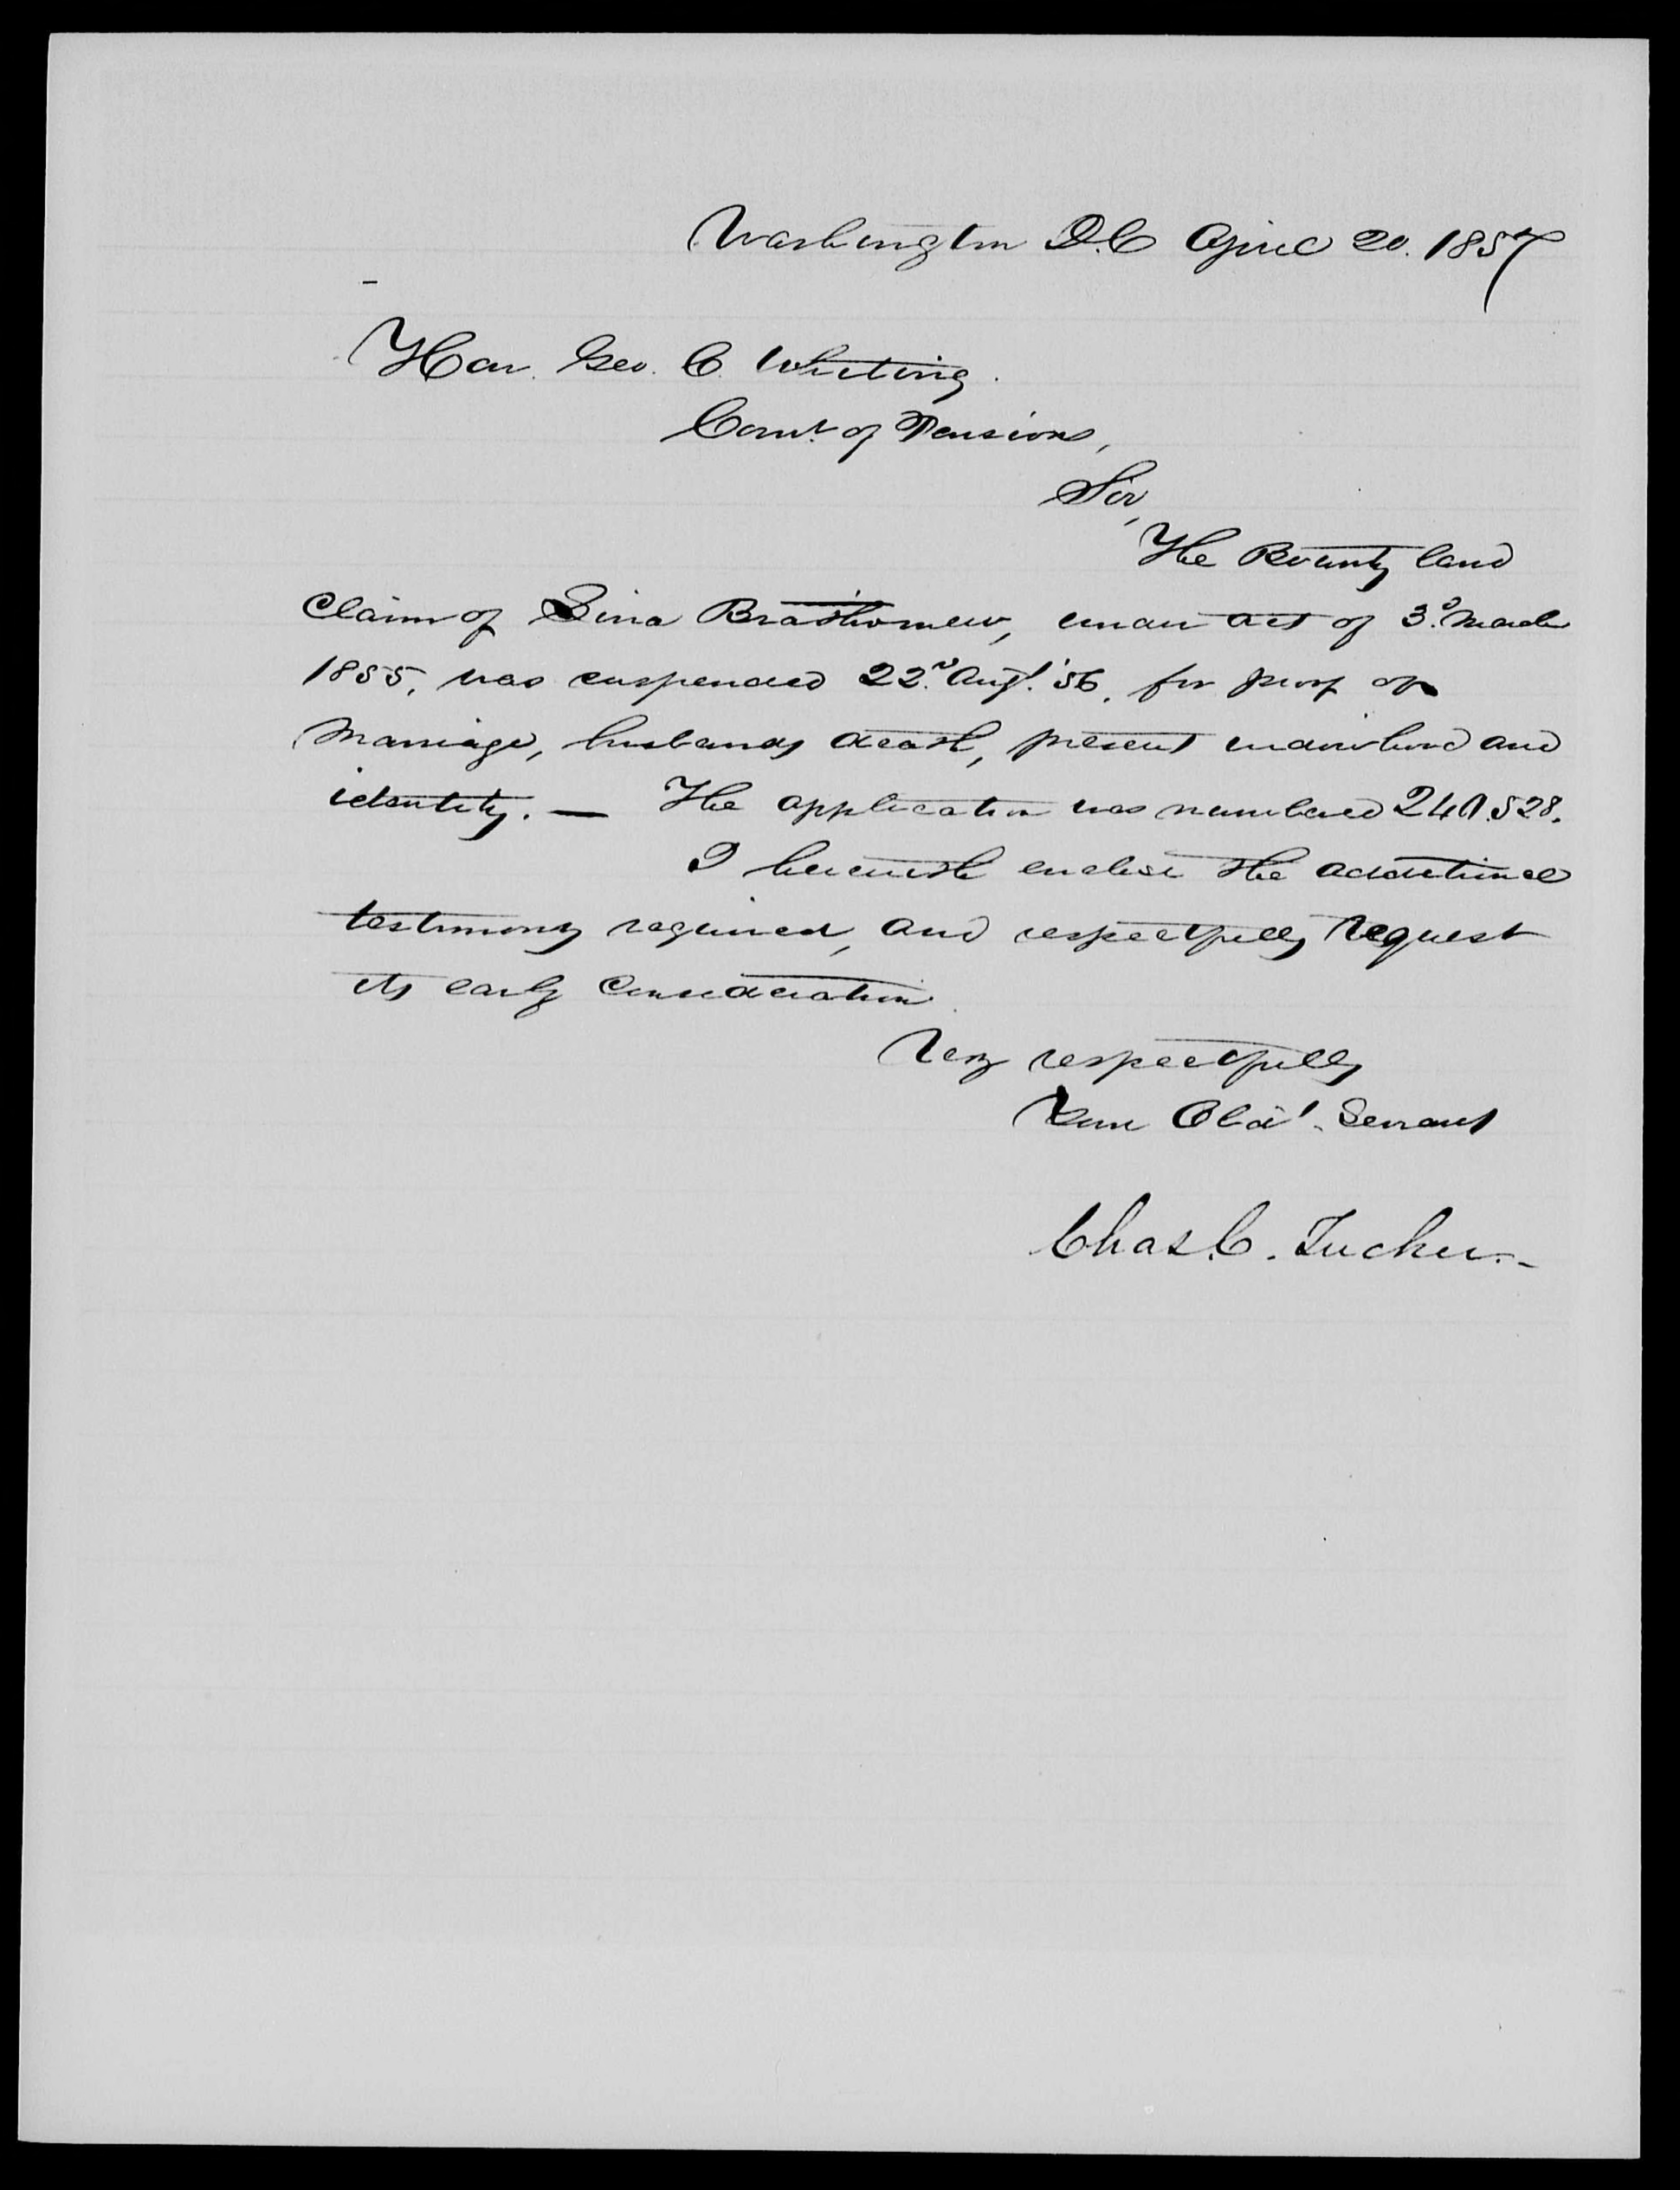Washington D.C. April 20 1857
Har. Geo. C. Whiting
Comr of Pensions
Sir
the Bounty land
Claim of Sina Bartholomew, under act of 3 March
1855, was suspended 22d Augst. '56 for proof of
Marriage, husbands death, present widowhood and
identity. The application was numbered 240.528
I herewith enclose the additional
testimony required, and respectfully request
its early consideration
Very respectfully
Your  Obd Servant
Chas. C. Tucker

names: Sina Brathomew, Chas C Tucker, Geo C Whiting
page: 56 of 76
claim: widow's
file: W. 9345, Joseph Bartholomew, Conn.